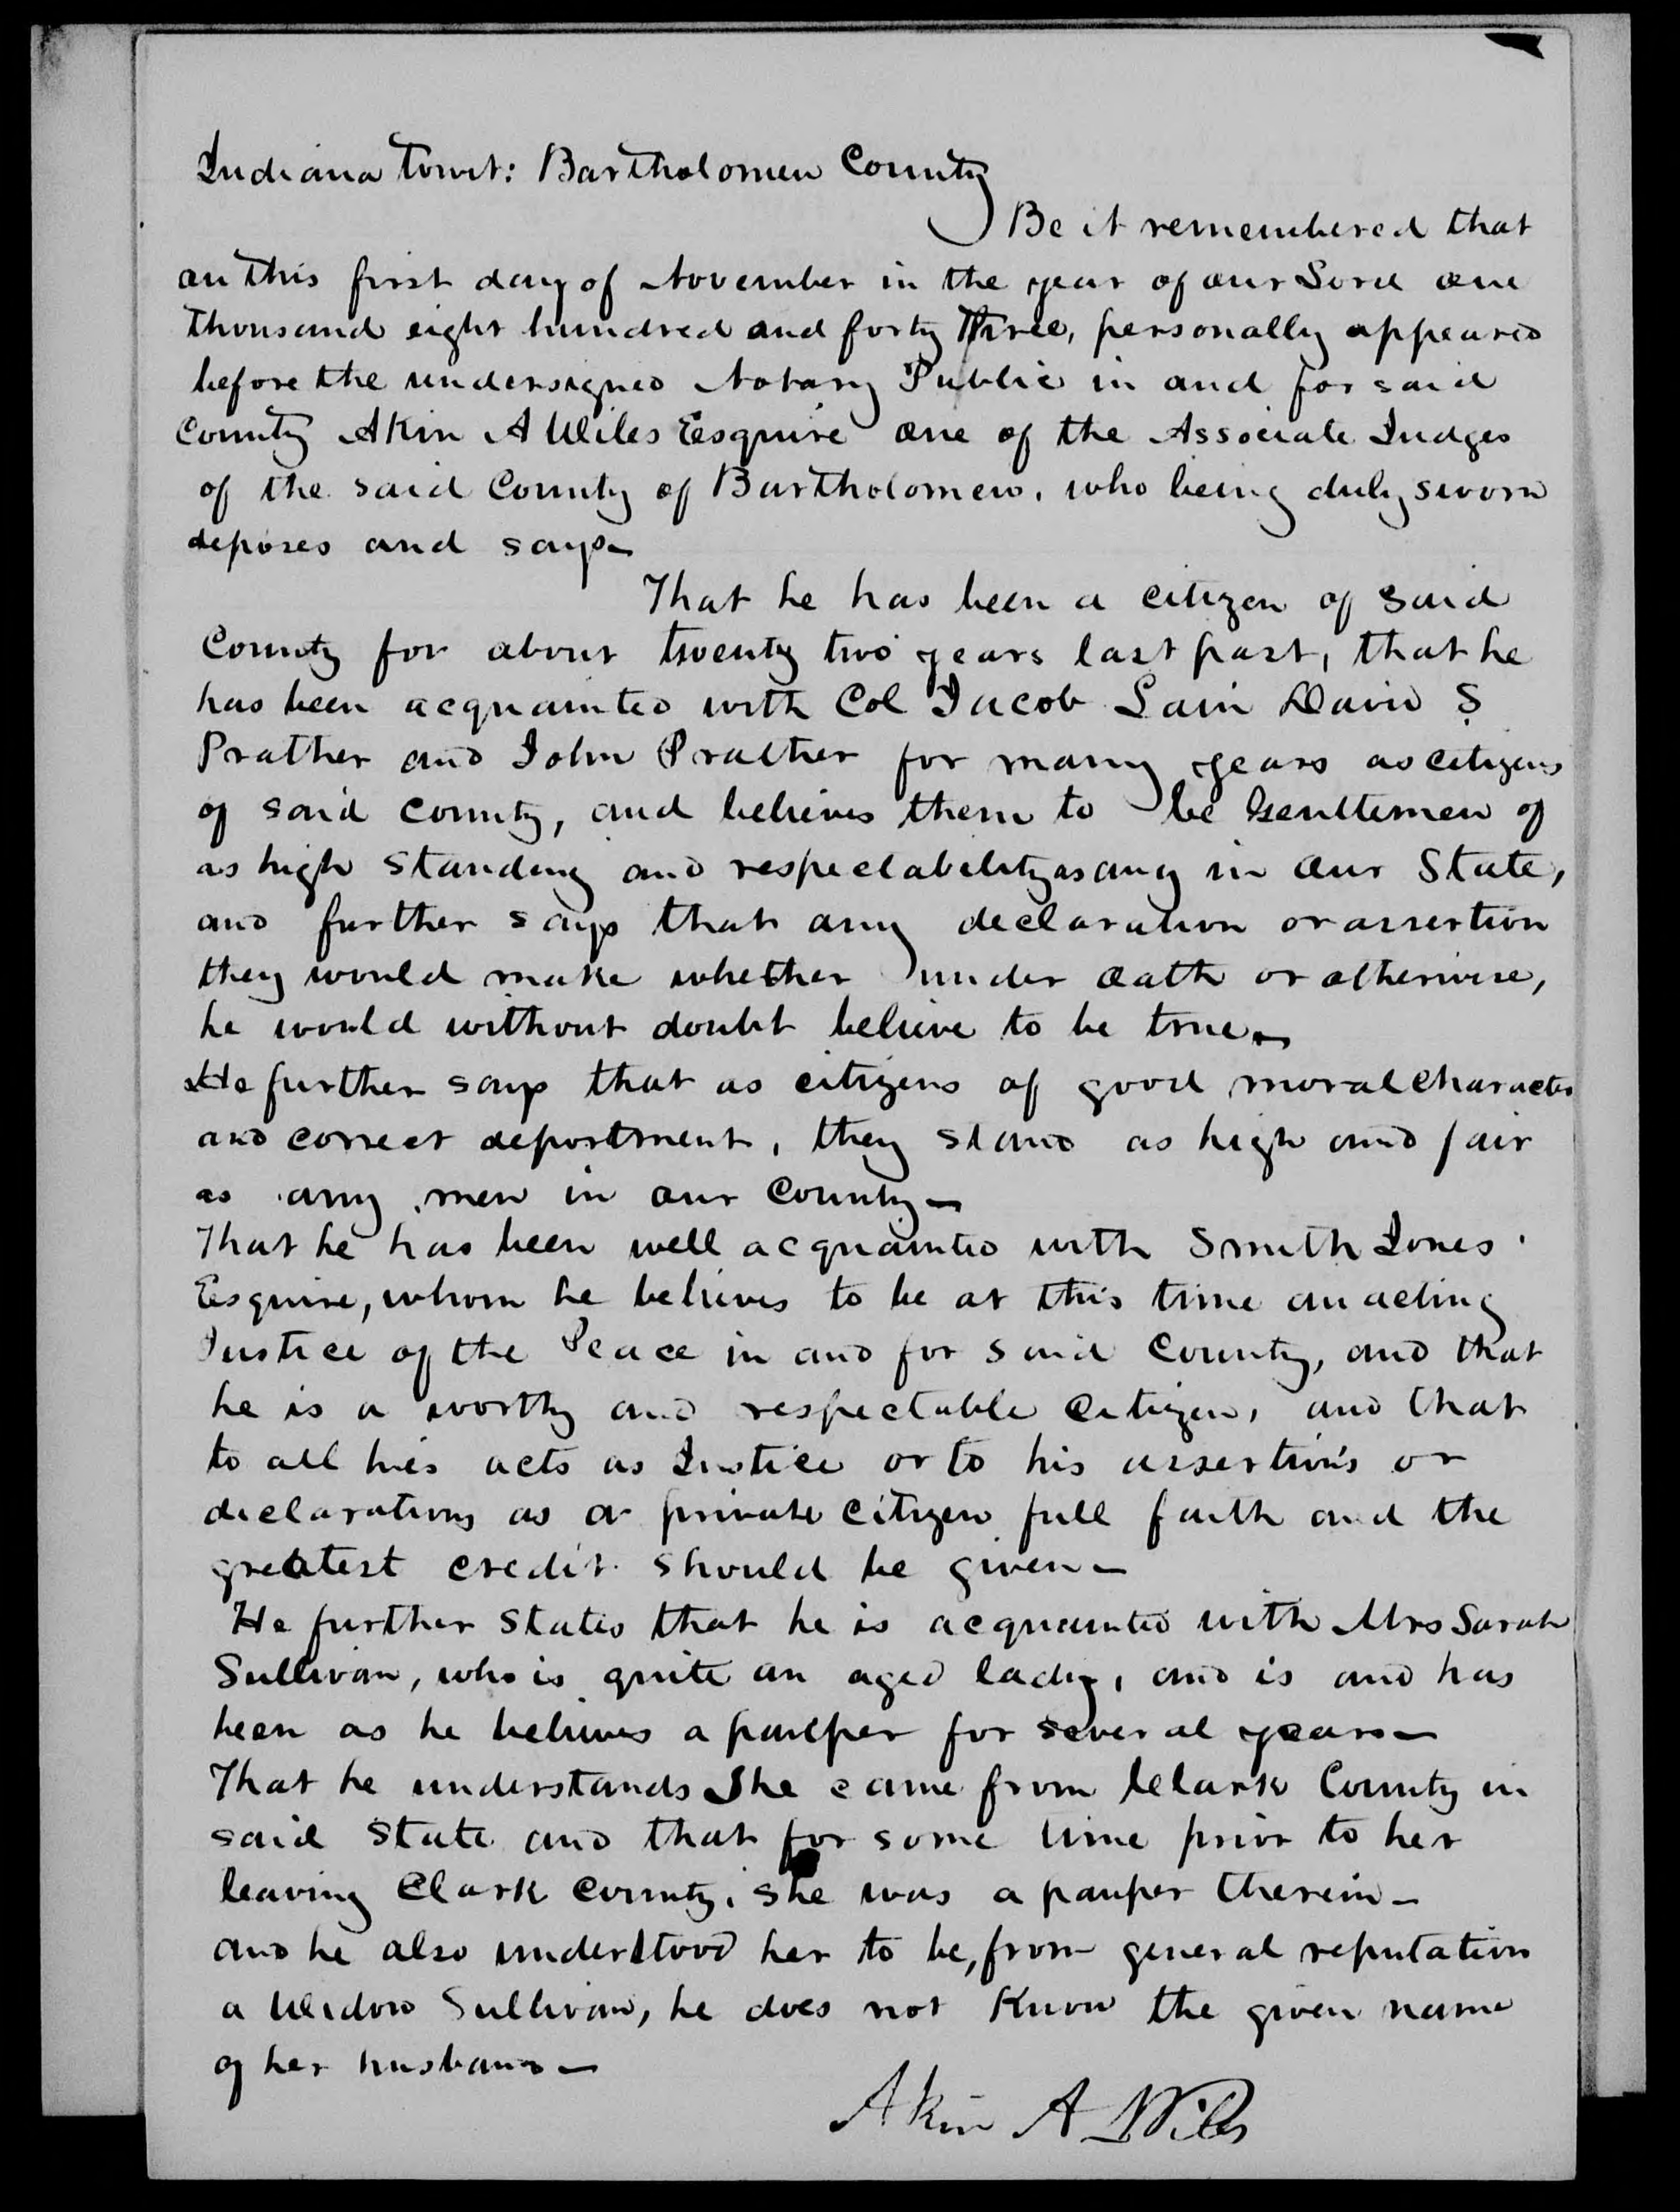Indiana Towit: Bartholomew County
Be it remembered that on this first day of November in the year of our Lord one thousand eight hundred and forty three, personally appeared before the undersigned Notary Public in and for said County Akin A Wiles Esquire one of the Associate Judges of the said County of Bartholomew, who being duly sworn deposes and says.
That he has been a citizen of said County for about twenty two years last past, that he has been acquainted with Col Jacob Sain David S Prather and John Prather for many years as citizens of said County, and believes them to be Gentlemen of as high standing and respectability as any in our State, and further says that any declaration or assertion they would make whether under oath or otherwise, he would without doubt believe to be true.
He further says that as citizens of good moral character and correct deportment, they stand as high and fair as any men in our County-
That he has been well acquainted with Smith Jones Esquire, whom he believes to be at this time an acting Justice of the Peace in and for said County, and that he is a worthy and respectable citizen, and that to all his acts as Justice or to his assertions or declarations as a private citizen full faith and the greatest credit should be given-
He further states that he is acquainted with Mrs Sarah Sullivan, who is quite an aged lady, and is and has been as he believes a pauper for several years-
That he understands she came from Clark County in said State and that for some time prior to her leaving Clark County, She was a pauper therein- and he also understood her to be, from general reputation a widow Sullivan, he does not know the given name of her husband-
[signed] Akin A Miles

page: 29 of 78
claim: widow's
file: W. 25,169, for Daniel Sullivan, Maryland